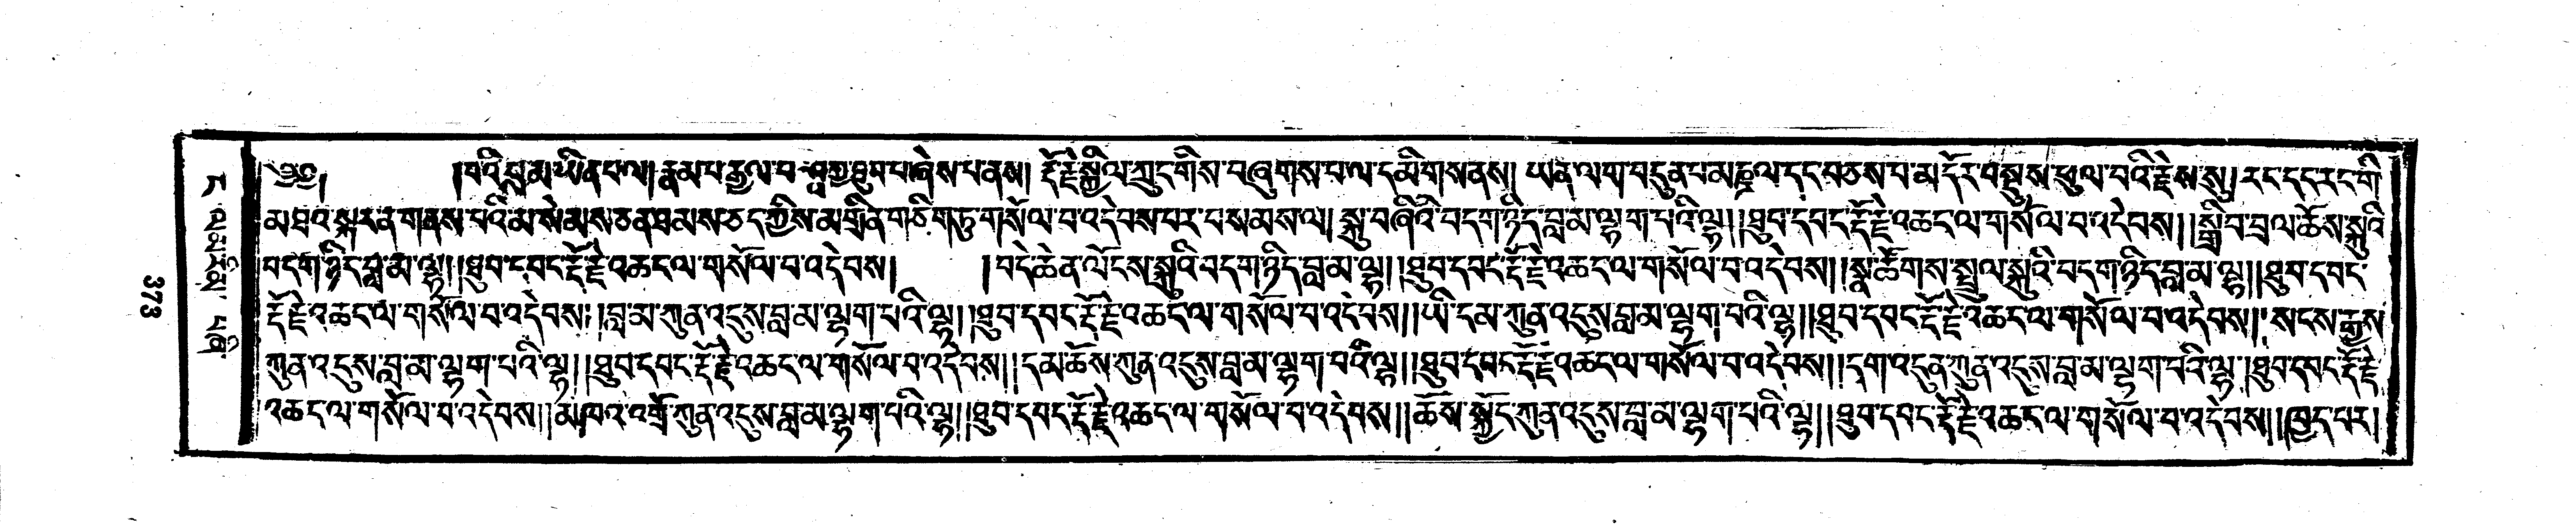༄༅། །བའི་བླ་མ་ཡིན་པ་ལ། རྣམ་པ་རྒྱལ་བ་ཤཱཀྱ་ཐུབ་པ་ཞེས་པ་ནས། རྡོ་རྗེ་སྐྱིལ་ཀྲུང་གིས་བཞུགས་པ་ལ་དམིགས་ནས། ཡན་ལག་བདུན་པ་མཎྚལ་དང་བཅས་པ་མདོར་བསྡུས་ཕུལ་བའི་རྗེས་སུ། རང་དང་རང་གི་
མཐའ་སྐོར་ན་གནས་པའི་མ་སེམས་ཅན་ཐམས་ཅད་ཀྱིས་མགྲིན་གཅིག་ཏུ་གསོལ་བ་འདེབས་པར་བསམས་ལ། སྐུ་བཞིའི་བདག་ཉིད་བླ་མ་ལྷག་པའི་ལྷ། །ཐུབ་དབང་རྡོ་རྗེ་འཆང་ལ་གསོལ་བ་འདེབས། །སྒྲིབ་བྲལ་ཆོས་སྐུའི་
བདག་ཉིད་བླ་མ་ལྷ། །ཐུབ་དབང་རྡོ་རྗེ་འཆང་ལ་གསོལ་བ་འདེབས། །བདེ་ཆེན་ལོངས་སྐུའི་བདག་ཉིད་བླ་མ་ལྷ། །ཐུབ་དབང་རྡོ་རྗེ་འཆང་ལ་གསོལ་བ་འདེབས། །སྣ་ཚོགས་སྤྲུལ་སྐུའི་བདག་ཉིད་བླ་མ་ལྷ། །ཐུབ་དབང་
རྡོ་རྗེ་འཆང་ལ་གསོལ་བ་འདེབས། །བླ་མ་ཀུན་འདུས་བླ་མ་ལྷག་པའི་ལྷ། །ཐུབ་དབང་རྡོ་རྗེ་འཆང་ལ་གསོལ་བ་འདེབས། །ཡི་དམ་ཀུན་འདུས་བླ་མ་ལྷག་པའི་ལྷ། །ཐུབ་དབང་རྡོ་རྗེ་འཆང་ལ་གསོལ་བ་འདེབས། །སངས་རྒྱས་
ཀུན་འདུས་བླ་མ་ལྷག་པའི་ལྷ། །ཐུབ་དབང་རྡོ་རྗེ་འཆང་ལ་གསོལ་བ་འདེབས། །དམ་ཆོས་ཀུན་འདུས་བླ་མ་ལྷག་པའི་ལྷ། །ཐུབ་དབང་རྡོ་རྗེ་འཆང་ལ་གསོལ་བ་འདེབས། །དགེ་འདུན་ཀུན་འདུས་བླ་མ་ལྷག་པའི་ལྷ། །ཐུབ་དབང་རྡོ་རྗེ་
འཆང་ལ་གསོལ་བ་འདེབས། །མཁའ་འགྲོ་ཀུན་འདུས་བླ་མ་ལྷག་པའི་ལྷ། །ཐུབ་དབང་རྡོ་རྗེ་འཆང་ལ་གསོལ་བ་འདེབས། །ཆོས་སྐྱོང་ཀུན་འདུས་བླ་མ་ལྷག་པའི་ལྷ། །ཐུབ་དབང་རྡོ་རྗེ་འཆང་ལ་གསོལ་བ་འདེབས། །ཁྱད་པར།